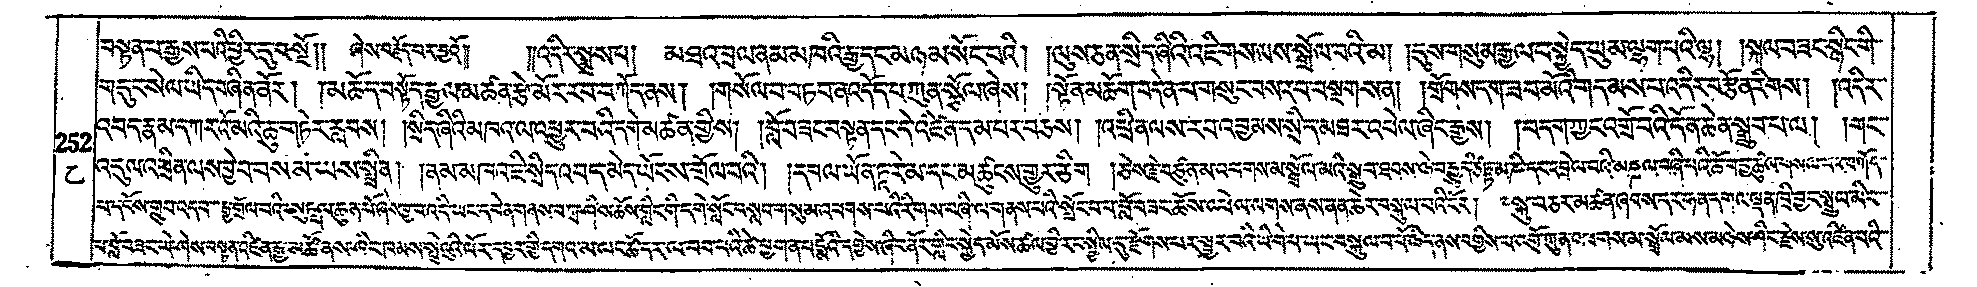བསྟན་པ་རྒྱས་པའི་ཕྱིར་དུ་བསྔོ།། ཞེས་བརྗོད་པར་བྱའོ།། །།འདིར་སྨྲས་པ།  མཐའ་བྲལ་ནམ་མཁའི་རྒྱ་དང་མཉམ་སོང་བའི། །ལུས་ཅན་སྲིད་ཞིའི་འཇིགས་ལས་སྒྲོལ་བའི་མ། །དུས་གསུམ་རྒྱལ་བ་སྐྱེད་ཡུམ་ལྷག་པའི་ལྷ། །སྐལ་བཟང་སྙིང་གི་་་
གདུང་སེལ་ཡིད་བཞིན་ནོར། །མཆོད་བསྟོད་རྒྱལ་མཚན་རྩེ་མོར་རབ་བཀོད་ནས། །གསོལ་བ་བཏབ་ན་འདོད་པ་ཀུན་སྩོལ་ཞེས། །སྟོན་མཆོག་བདེན་པ་གསུང་བས་རབ་བསྔགས་ན། །གྲོགས་དག་ཟབ་མོའི་གདམས་པ་འདིར་བརྩོན་རིགས། །འདིར་་་
འབད་རྣམ་དཀར་འོ་མའི་ཆུ་གཏེར་རླབས། །སྲིད་ཞིའི་མཁའ་ལ་འཕྱུར་བའི་དགེ་མཚན་གྱིས། །བློ་བཟང་བསྟན་དང་དེ་འཛིན་དམ་པར་བཅས། །འཕྲིན་ལས་རབ་འབྱམས་སྲིད་མཐར་འཕེལ་ཞིང་རྒྱས། །བདག་ཀྱང་འགྲོ་བའི་དོན་ཆེན་སྒྲུབ་པ་ལ། །གང་
འདུལ་འཕྲིན་ལས་བྱེ་བ་བསམ་ཡས་སྦྲིན། །ནམ་མཁའ་ཇི་སྲིད་འབད་མེད་ཡོངས་གྲོལ་བའི། །དཔལ་ཡོན་ཏཱ་རེ་མ་དང་མཚུངས་གྱུར་ཅིག །ཅེས་རྗེ་བཙུན་མ་འཕགས་མ་སྒྲོལ་མའི་སྒྲུབ་ཐབས་ཉེ་བརྒྱུད་ཙིཏྟ་མ་ཎི་དང་འབྲེལ་བའི་མཎྜལ་བཞི་པའི་ཆོ་ག་བྱ་ཚུལ་གསལ་བར་བཀོད་
པ་དངོས་གྲུབ་འདབ་རྒྱ་གྲོལ་བའི་ཨུཏྤལ་ཆུན་པོ་ཞེས་བྱ་བ་འདི་ཡང་དབེན་གནས་བཀྲ་ཤིས་ཆོས་གླིང་གི་དགེ་སློང་བསླབ་གསུམ་འཕགས་པའི་རིགས་བཞི་ལ་གནས་པའི་སྤོང་བ་པ་བློ་བཟང་ཆོས་འཕེལ་ལགས་ནས་ནན་ཆེར་བསྐུལ་བའི་ངོར། ༧སྐུ་བཅར་མཚན་ཞབས་དར་ཧན་དགའ་ལྡན་ཁྲི་བྱང་སྤྲུལ་མིང་་་
པ་བློ་བཟང་ཡེ་ཤེས་བསྟན་འཛིན་རྒྱ་མཚོ་ནས་ཤིང་ཁམས་སྤྲེའུའི་ལོར་དབྱར་གྱི་དགའ་མ་ལང་ཚོ་དར་ལ་བབ་པའི་ཚེ་ཕྱག་ན་པདམོའི་དགྱེས་ཞིང་ནོར་གླིང་སྐྱེད་མོས་ཚལ་གྱི་རང་སྤྱིལ་དུ་རྫོགས་པར་སྦྱར་བའི་ཡི་གེ་པ་ཡང་བསྐུལ་བ་པོ་ཉིད་ནས་བགྱིས་པ་འགྲོ་ཀུན་འཕགས་མ་སྒྲོལ་མས་མཉེས་ཤིང་རྗེས་སུ་འཛིན་པའི་་་